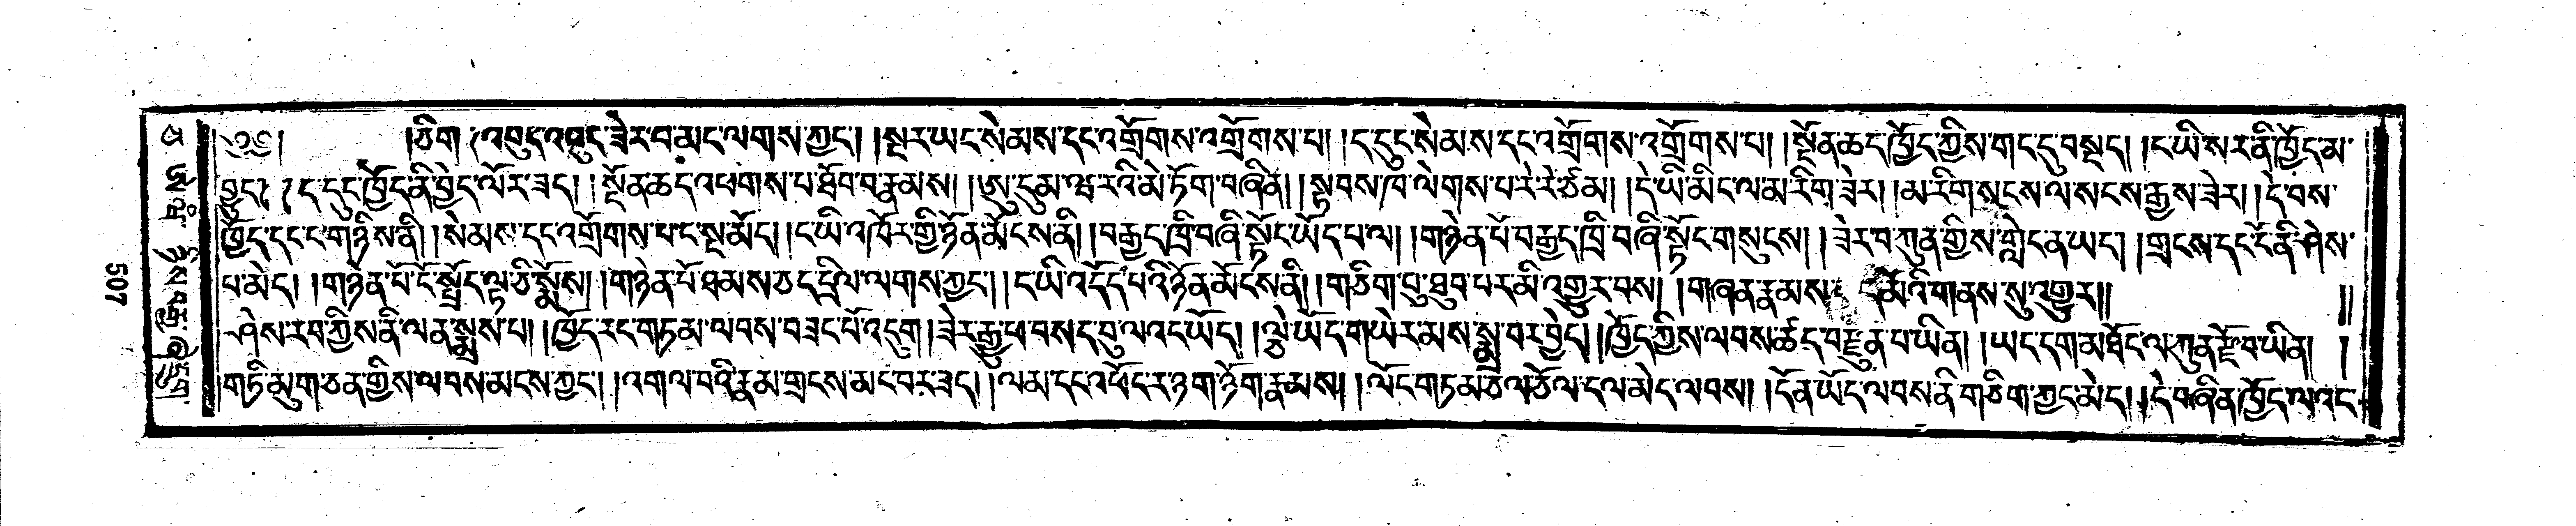༄༅། །ཅིག །འབྦུད་འབུད་ཟེར་བ་མང་ལགས་ཀྱང་། །སྔར་ཡང་སེམས་དང་འགྲོགས་འགྲོགས་པ། །ད་དུང་སེམས་དང་འགྲོགས་འགྲོགས་པ། །སྔོན་ཆད་ཁྱོད་ཀྱིས་གང་དུ་བསྡད། །ང་ཡི་སར་ནི་ཁྱོད་མ་
བྱུང༑ ༑ད་དུང་ཁྱོད་ནི་བྱེད་ལོར་ཟད། །སྔོན་ཆད་འཕགས་པ་ཐོབ་པ་རྣམས། །ཨུ་དུམ་ཝ་རིའི་མེ་ཏོག་བཞིན། །སྟབས་ཁ་ལེགས་པ་རེ་རེ་ཙམ། །དེ་ཡི་མིང་ལ་མ་རིག་ཟེར། །མ་རིག་སངས་ལ་སངས་རྒྱས་ཟེར། །དེ་བས་
ཁྱོད་དང་ང་གཉིས་ནི། །སེམས་དང་འགྲོགས་པ་ང་སྔ་མོད། །ང་ཡི་འཁོར་གྱི་ཉོན་མོངས་ནི། །བརྒྱད་ཁྲི་བཞི་སྟོང་ཡོད་པ་ལ། །གཉེན་པོ་བརྒྱད་ཁྲི་བཞི་སྟོང་གསུངས། །ཟེར་བ་ཀུན་གྱིས་གླེང་ན་ཡང་། །གྲངས་དང་ངོ་ནི་ཤེས་
པ་མེད། །གཉེན་པོ་ངོ་སྤྲོས་ལྟ་ཅི་སྨོས། །གཉེན་པོ་ཐམས་ཅད་དྲིལ་ལགས་ཀྱང་། །ང་ཡི་འདོད་པའི་ཉོན་མོངས་ནི། །གཅིག་པུ་ཐུབ་པར་མི་འགྱུར་བས། །གཞན་རྣམས་གད་མོའི་གནས་སུ་འགྱུར།། །།
ཤེས་རབ་ཀྱིས་ནི་ལན་སྨྲས་པ། །ཁྱོད་རང་གཏམ་ལབས་བཟང་པོ་འདུག །ཟེར་རྒྱུ་ཕ་བསད་བུ་ལའང་ཡོད། །ལྕེ་ཡོད་གཡེར་མས་སྨྲ་བར་བྱེད། །ཁྱོད་ཀྱིས་ལབས་ཚད་བརྫུན་པ་ཡིན། །ཡང་དག་མཐོང་ལ་ཀུན་རྫོབ་ཡིན། །
གཏི་མུག་ཅན་གྱི་ལ་བས་མངས་ཀྱང་། །འགལ་བའི་རྣམ་གྲངས་མང་བར་ཟད། །ལམ་དང་འཕོང་ར་ཉག་ཉོག་རྣམས། །ལོང་གཏམ་ཅལ་ཅོལ་དལ་མེད་ལབས། །དོན་ཡོད་ལབས་ནི་གཅིག་ཀྱང་མེད། །དེ་བཞིན་ཁྱོད་ལའང་